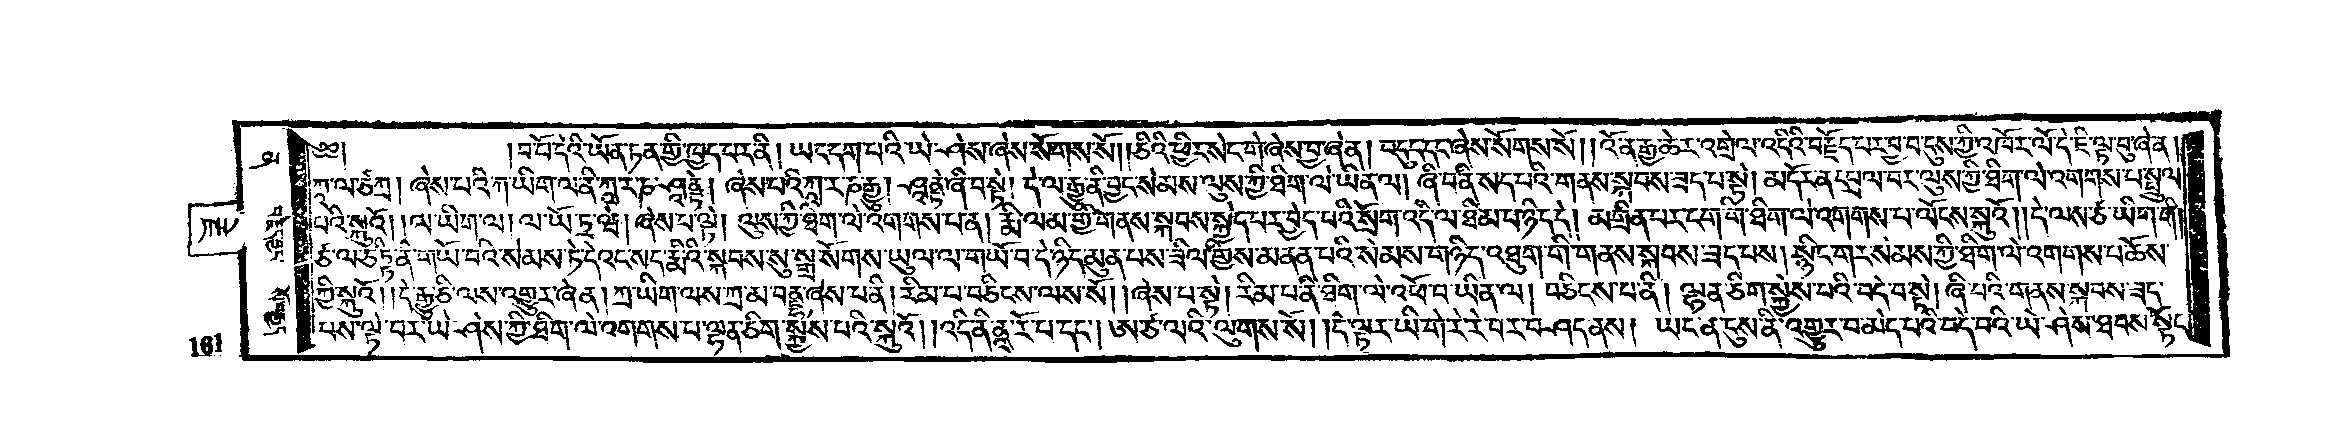༄༅། །བ་པོ་དེའི་ཡོན་ཏན་གྱི་ཁྱད་པར་ནི། ཡང་དག་པའི་ཡེ་ཤེས་ཞེས་སོགས་སོ། །ཅིའི་ཕྱིར་སེང་གེ་ཞེས་བྱ་བ་ཞེ་ན། བདུད་དང་ཞེས་སོགས་སོ། །འོ་ན་རྒྱ་ཆེར་འགྲེལ་འདིའི་བརྗོད་པར་བྱ་བ་དུས་ཀྱི་འཁོར་ལོ་དེ་ཇི་ལྟ་བུ་ཞེ་ན།
ཀཱ་ལ་ཙཀྲ། ཞེས་པའི་ཀ་ཡིག་ལ་ནི་ཀཱ་ར་ཎ་ཤཱནྟི། ཞེས་པའི་ཀཱ་ར་ཎ་རྒྱུ། ཤཱནྟེ་ཞེ་བ་སྟེ། དེ་ལ་རྒྱུ་ནི་བྱང་སེམས་ལུས་ཀྱི་ཐིག་ལེ་ཡིན་ལ། ཞི་བ་ནི་སད་པའི་གནས་སྐབས་ཟད་པ་སྟེ། མདོར་ན་དཔྲལ་བར་ལུས་ཀྱི་ཐིག་ལེ་འགགས་པ་སྤྲུལ་
པའི་སྐུའོ། །ལ་ཡིག་ལ། ལ་ཡོ་ཏྲ་ཝེ། ཞེས་པ་ལྟེ། ལུས་ཀྱི་ཐིག་ལེ་འགགས་པ་ན། རྨི་ལམ་གྱི་གནས་སྐབས་སྐྱེད་པར་བྱེད་པའི་སྲོག་འདི་ལ་ཐིམ་པ་ཉིད་དེ། མགྲིན་པར་ངག་གི་ཐིག་ལེ་འགགས་པ་ལོངས་སྐུའོ། །དེ་ལས་ཙ་ཡིག་གི་
ཙ་ལ་ཙཏྟི་ནི་གཡོ་བའི་སེམས་ཏེ་དེའང་སད་རྨིའི་སྐབས་སུ་སྒྲ་སོགས་ཡུལ་ལ་གཡོ་བ་དེ་ཉིད་མུན་པས་ཟིལ་གྱིས་མནན་པའི་སེམས་གཉིད་འཐུག་གི་གནས་སྐབས་ཟད་པར་སྙིང་གར་སེམས་ཀྱི་ཐིག་ལེ་འགགས་པ་ཆོས་
ཀྱི་སྐུའོ། །དེ་རྒྱུ་ཅི་ལས་འགྱུར་ཞེ་ན། ཀྲ་ཡིག་ལས་ཀྲ་མ་བནྡྷ་ཞེས་པ་ནི། རིམ་པ་བཅིངས་ལས་སོ། །ཞེས་པ་སྟེ། རིམ་པ་ནི་ཐིག་ལེ་འཕོ་བ་ཡིན་ལ། བཅིངས་པ་ནི། ལྷན་ཅིག་སྐྱེས་པའི་བདེ་བ་སྟེ། ཞི་བའི་གནས་སྐབས་ཟད་
པས་ལྟེ་བར་ཡེ་ཤེས་ཀྱི་ཐིག་ལེ་འགགས་པ་ལྷན་ཅིག་སྐྱེས་པའི་སྐུའོ། །འདི་ནི་ནཱ་རོ་པ་དང་། ཨ་ཙ་ལའི་ལུགས་སོ། །དེ་ལྟར་ཡི་གེ་རེ་རེ་བར་བཤད་ནས། ཡང་ན་དུས་ནི་འགྱུར་བ་མེད་པའི་བདེ་བའི་ཡེ་ཤེས་ཐབས་སྟོང་